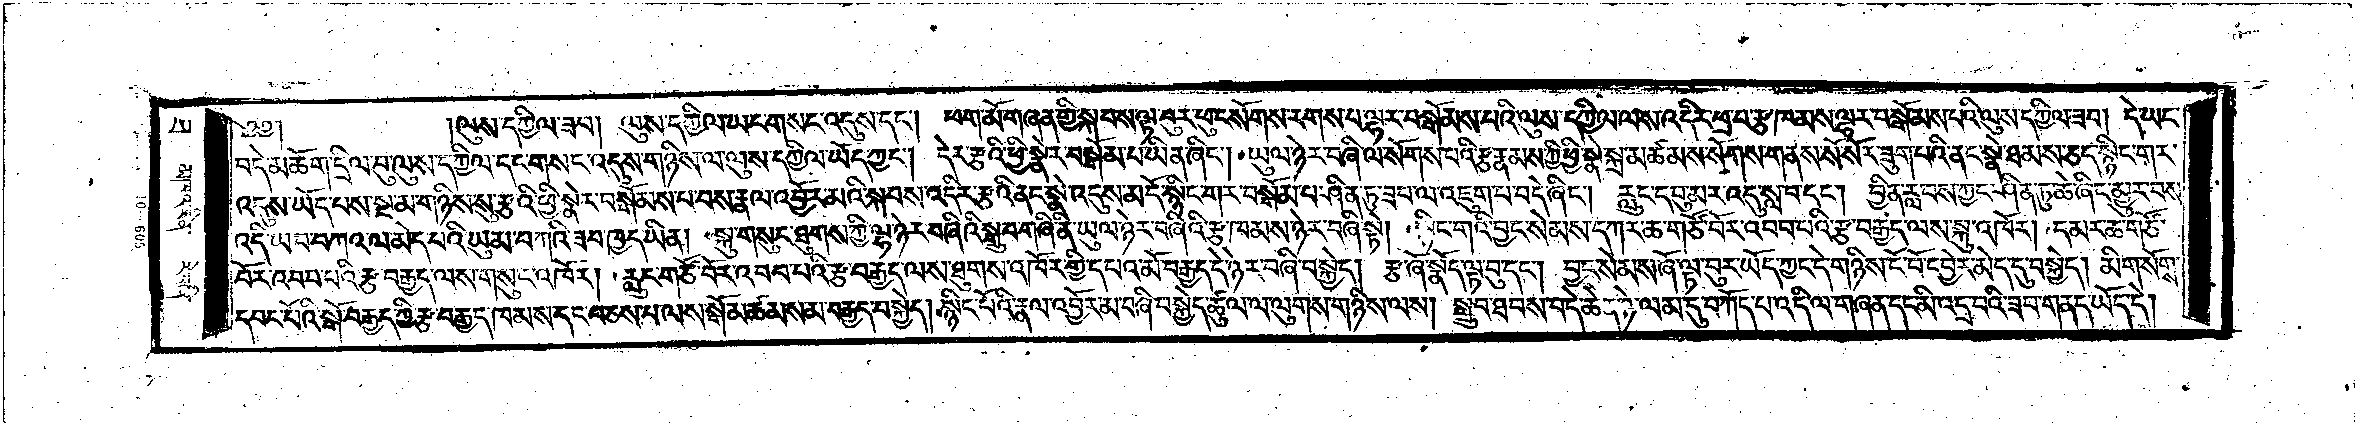༄༅། །ལུས་དཀྱིལ་ཟབ། ལུས་དཀྱིལ་ཡང་གསང་འདུས་དང་། ཕག་མོ་གཞན་གྱི་སྐབས་ལྟ་བུར་ཕུང་སོགས་རགས་པ་ལྷར་བསྒོམས་པའི་ལུས་དཀྱིལ་ལས་འདིར་ཕྲ་བ་རྩ་ཁམས་ལྷར་བསྒོམས་པའི་ལུས་དཀྱིལ་ཟབ། དེ་ཡང་
བདེ་མཆོག་དྲིལ་བུ་ལུས་དཀྱིལ་དང་གསང་འདུས་གཉིས་ལ་ལུས་དཀྱིལ་ཡོད་ཀྱང་། དེར་རྩའི་ཕྱི་སྣེར་བསྒོམ་པ་ཡིན་ཞིང་། ཡུལ་ཉེར་བཞི་ལ་སོགས་པའི་རྩ་རྣམས་ཀྱི་ཕྱི་སྣེ་སྐྲ་མཚམས་སོགས་གནས་སོ་སོར་ཟུག་པའི་ནང་སྣེ་ཐམས་ཅད་སྙིང་གར་
འདུས་ཡོད་པས་སྔ་མ་གཉིས་སུ་རྩའི་ཕྱི་སྣེར་བསྒོམས་པ་བས་རྣལ་འབྱོར་མའི་སྐབས་འདིར་རྩའི་ནང་སྣེ་འདུས་མདོ་སྙིང་གར་བསྒོམ་པ་ཤིན་ཏུ་ཟབ་ལ་འཇུག་པ་བདེ་ཞིང་། རླུང་དབུ་མར་འདུ་སླ་བ་དང་། བྱིན་རླབས་ཀྱང་ཤིན་ཏུ་ཆེ་ཞིང་མྱུར་བས་
འདི་ཡབ་བཀའ་ལ་མེད་པའི་ཡུམ་བཀའི་ཟབ་ཁྱད་ཡིན། སྐུ་གསུང་ཐུགས་ཀྱི་ལྷ་ཉེར་བཞིའི་སྒྲུབ་གཞི་ནི་ཡུལ་ཉེར་བཞིའི་རྩ་ཁམས་ཉེར་བཞི་སྟེ། སྙིང་གའི་བྱང་སེམས་དཀར་ཆ་གཙོ་བོར་འབབ་པའི་རྩ་བརྒྱད་ལས་སྐུ་འཁོར། དམར་ཆ་གཙོ་
བོར་འབབ་པའི་རྩ་བརྒྱད་ལས་གསུང་འཁོར། རླུང་གཙོ་བོར་འབབ་པའི་རྩ་བརྒྱད་ལས་ཐུགས་འཁོར་གྱི་དཔའ་མོ་བརྒྱད་དེ་ཉེར་བཞི་བསྐྱེད། རྩ་ཞོ་སྣོད་ལྟ་བུ་དང་། བྱང་སེམས་ཞོ་ལྟ་བུར་ཡོད་ཀྱང་དེ་གཉིས་ངོ་བོ་དབྱེར་མེད་དུ་བསྐྱེད། མིག་སོགས་
དབང་པོའི་སྒོ་བརྒྱད་ཀྱི་རྩ་བརྒྱད་ཁམས་དང་བཅས་པ་ལས་སྒོ་མཚམས་མ་བརྒྱད་བསྐྱེད། སྙིང་པོའི་རྣལ་འབྱོར་མ་བཞི་བསྐྱེད་ཚུལ་ལ་ལུགས་གཉིས་ལས། སྒྲུབ་ཐབས་བདེ་ཆེན་ཉེ་ལམ་དུ་བཀོད་པ་འདི་ལ་གཞན་དང་མི་འདྲ་བའི་ཟབ་གནད་ཡོད་དེ།